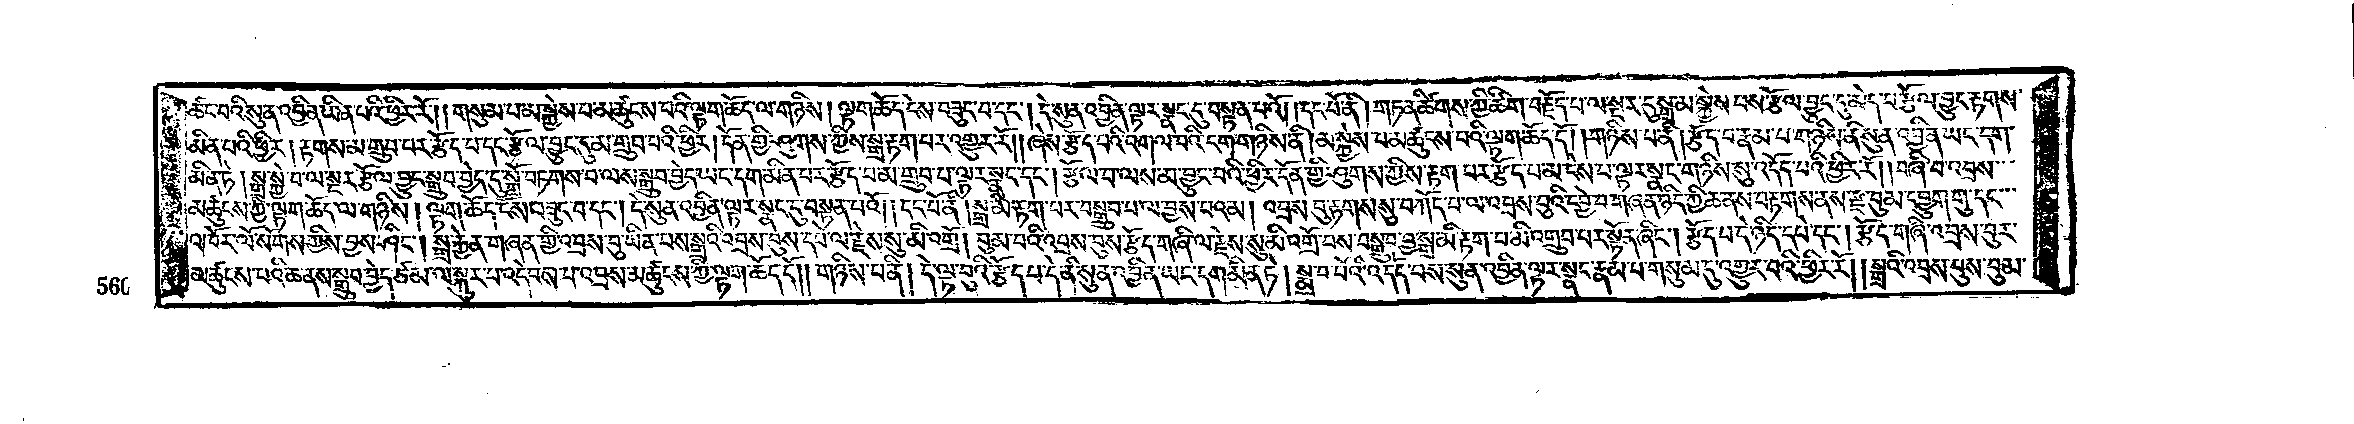ཚང་བའི་སུན་འབྱིན་ཡིན་པའི་ཕྱིར་རོ། །གསུམ་པ་མ་སྐྱེས་པ་མཚུངས་པའི་ལྟག་ཆོད་ལ་གཉིས། ལྟག་ཆོད་ངེས་བཟུང་བ་དང་། དེ་སུན་འབྱིན་ལྟར་སྣང་དུ་བསྟན་པའོ། །དང་པོ་ནི། གཏན་ཚིགས་ཀྱི་ཚིག་བརྗོད་པ་ལ་སྔར་དུ་སྒྲ་མ་སྐྱེས་པས་རྩོལ་བྱུང་དུ་མེད་པ་རྩོལ་བྱུང་རྟགས་
མིན་པའི་ཕྱིར། རྟགས་མ་གྲུབ་པར་རྩོད་པ་དང་རྩོལ་བྱུང་དུ་མ་གྲུབ་པའི་ཕྱིར། དོན་གྱི་ཤུགས་ཀྱིས་སྒྲ་རྟག་པར་འགྱུར་རོ། །ཞེས་རྩོད་པའི་འགལ་བའི་ངག?་གཉིས་ནི། མ་སྐྱེས་པ་མཚུངས་པའི་ལྟག་ཆོད་དོ། །གཉིས་པ་ནི། རྩོད་པ་རྣམ་པ་གཉིས་ནི་སུན་འབྱིན་ཡང་དག་
མིན་ཏེ། སྒྲ་སྐྱེ་བ་ལ་སྔར་རྩོལ་བྱུང་སྒྲུབ་བྱེད་དུ་སྒྲོ་བཏགས་པ་ལས་སྒྲུབ་བྱེད་ཡང་དག་མིན་པར་རྩོད་པ་མ་གྲུབ་པ་ལྟར་སྣང་དང་། རྩོལ་བ་ལས་བྱུང་བའི་ཕྱིར་དོན་གྱི་ཤུགས་ཀྱིས་རྟག་པར་རྩོད་པ་མ་ངེས་པ་ལྟར་སྣང་གཉིས་སུ་འདོད་པའི་ཕྱིར་རོ། །བཞི་པ་འབྲས་
མཚུངས་ཀྱི་ལྟག་ཆོད་ལ་གཉིས། ལྟག་ཆོད་ངོས་བཟུང་བ་དང་། དེ་སུན་འབྱིན་ལྟར་སྣང་དུ་བསྟན་པའོ། །དང་པོ་ནི། སྒྲ་མི་རྟག་པར་བསྒྲུབ་པ་ལ་བྱས་པའམ། འབྲས་བུ་རྟགས་སུ་བཀོད་པ་ལ་འབྲས་བུའི་དབྱེ་བ་གཞན་ཉིད་ཀྱི་ཆ་ནས་བརྟགས་ནས་རྫ་བུམ་དབྱུག་གུ་དང་
འཁོར་ལོ་སོགས་ཀྱིས་བྱས་ཤིང་། སྒྲ་རྐྱེན་གཞན་གྱི་འབྲས་བུ་ཡིན་པས་སྒྲའི་འབྲས་བུས་དཔེ་ལ་རྗེས་སུ་མི་འགྲོ། བུམ་པའི་འབྲས་བུས་རྩོད་གཞི་ལ་རྗེས་སུ་མི་འགྲོ་བས་བསྒྲུབ་བྱ་སྒྲ་མི་རྟག་པ་མི་འགྲུབ་པར་སྟོན་ཞིང་། རྩོད་པ་དེ་ཉིད་དཔེ་དང་རྩོད་གཞི་འབྲས་བུར་
མཚུངས་པའི་ཆ་ནས་སྒྲུབ་བྱེད་ཙམ་ལ་སྐུར་པ་འདེབས་པ་འབྲས་མཚུངས་ཀྱི་ལྟག་ཆོད་དོ། །གཉིས་པ་ནི། དེ་ལྟ་བུའི་རྩོད་པ་དེ་ནི་སུན་འབྱིན་ཡང་དག་མིན་ཏེ། སྨྲ་བ་པོའི་འདོད་པས་སུན་འབྱིན་ལྟར་སྣང་རྣམ་པ་གསུམ་དུ་འགྱུར་བའི་ཕྱིར་རོ། །སྒྲའི་འབྲས་བུས་བུམ་